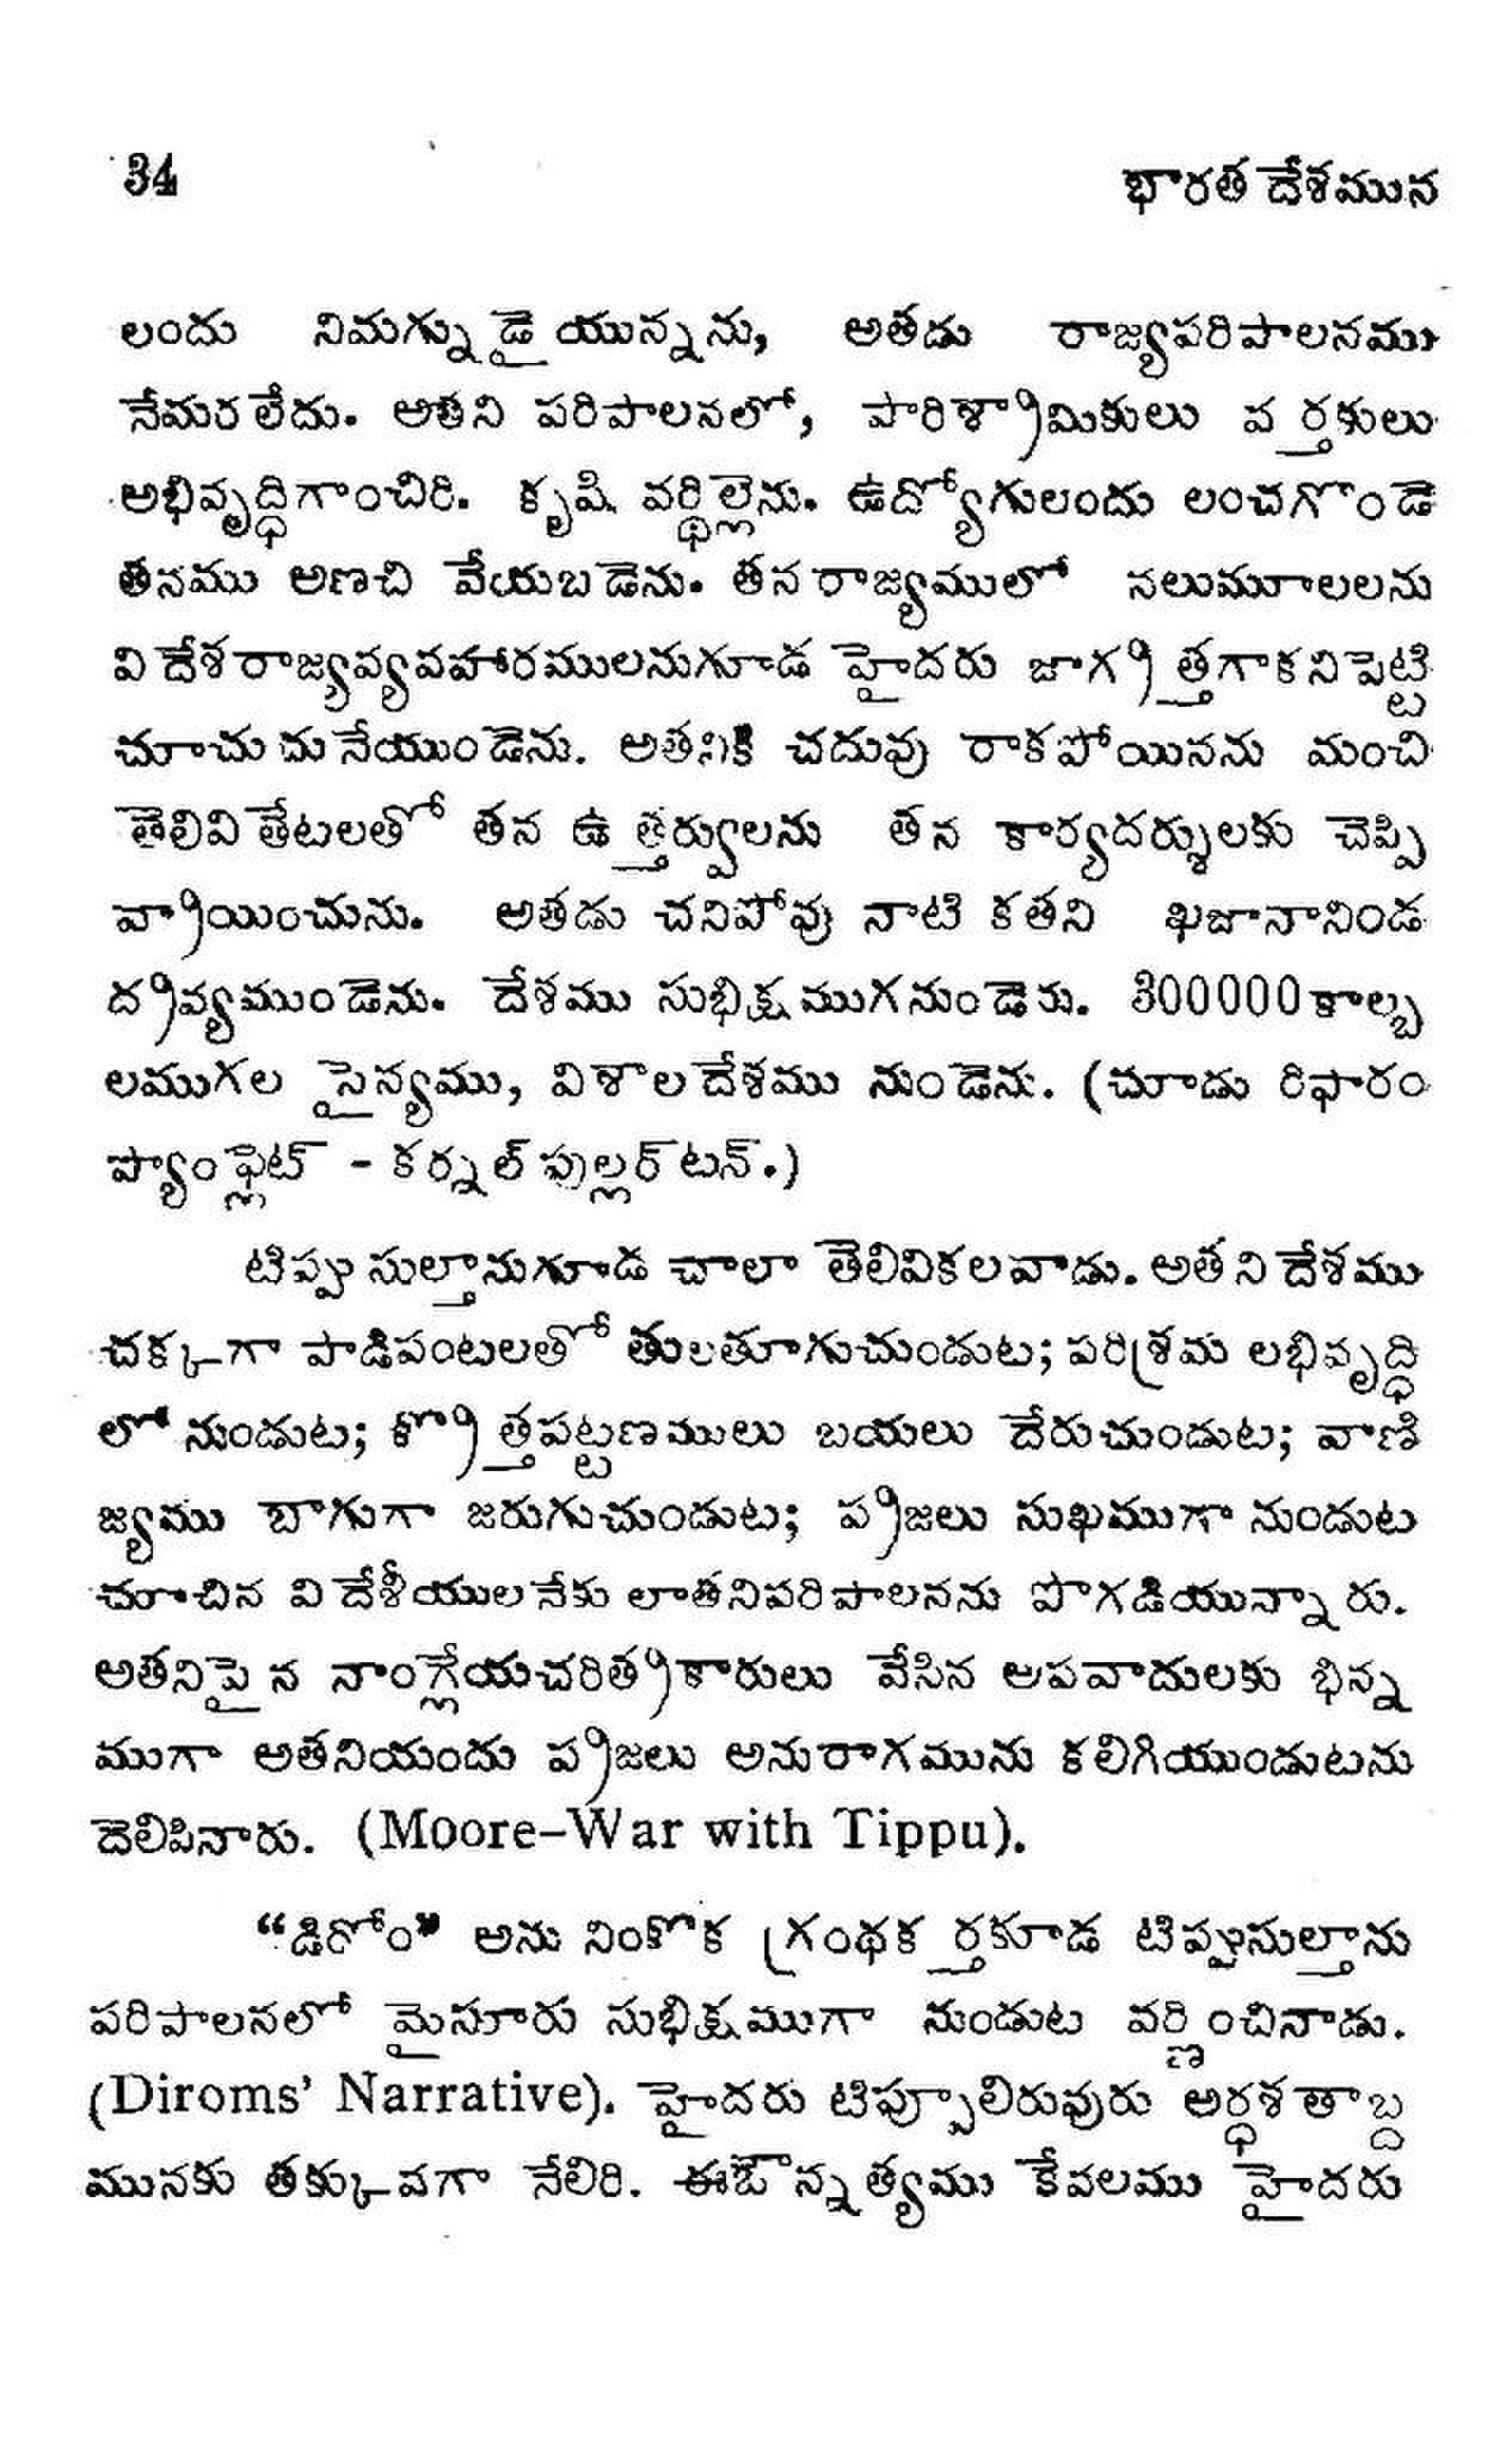లందు నిమగ్నుడై యున్నను, అతడు రాజ్యపరిపాలనము నేమరలేదు. అతని పరిపాలనలో, పారిశ్రామికులు వర్తకులు అభివృద్ధిగాంచిరి. కృషి, వర్థిల్లెను. ఉద్యోగులందు లంచగొండెతసము అణచి వేయబడెను. తన రాజ్యములో నలుమూలలను విదేశ రాజ్యవ్యవహారములనుగూడ హైదరు జాగ్రత్తగాకనిపెట్టి చూచుచునేయుండెను. అతనికి చదువు రాకపోయినను మంచి తెలివి తేటలతో తన ఉత్తర్వులను తన కార్యదర్శులకు చెప్పి వ్రాయించును. అతడు చనిపోవు నాటి కతని ఖజానానిండ ద్రవ్యముండెను. దేశము సుభిక్షముగనుండెను. 300000 కాల్బలముగల సైన్యము, విశాలదేశము నుండెను. (చూడు రిఫారం ప్యాంఫ్లెట్ - కర్నల్‌పుల్లర్‌టన్ .)

టిప్పుసుల్తానుగూడ చాలా తెలివికలవాడు. అతనిదేశము చక్కగా పాడిపంటలతో తులతూగుచుండుట; పరిశ్రమ లభివృద్ధిలో నుండుట; క్రొత్తపట్టణములు బయలు దేరుచుండుట; వాణిజ్యము బాగుగా జరుగుచుండుట; ప్రజలు సుఖముగా నుండుట చూచిన విదేశీయులనేకు లాతనిపరిపాలనను పొగడియున్నారు. అతనిపైన నాంగ్లేయచరిత్రకారులు వేసిన అపవాదులకు భిన్నముగా అతనియందు ప్రజలు అనురాగమును కలిగియుండుటను దెలిపినారు. (Moore-War with Tippu).

“డిరోం" అను నింకొక గ్రంథకర్తకూడ టిప్పుసుల్తాను పరిపాలనలో మైసూరు సుభిక్షముగా నుండుట వర్ణించినాడు. (Diroms' Narrative). హైదరు టిప్పూలిరువురు అర్ధశతాబ్దమునకు తక్కువగా నేలిరి. ఈఔన్నత్యము కేవలము హైదరు